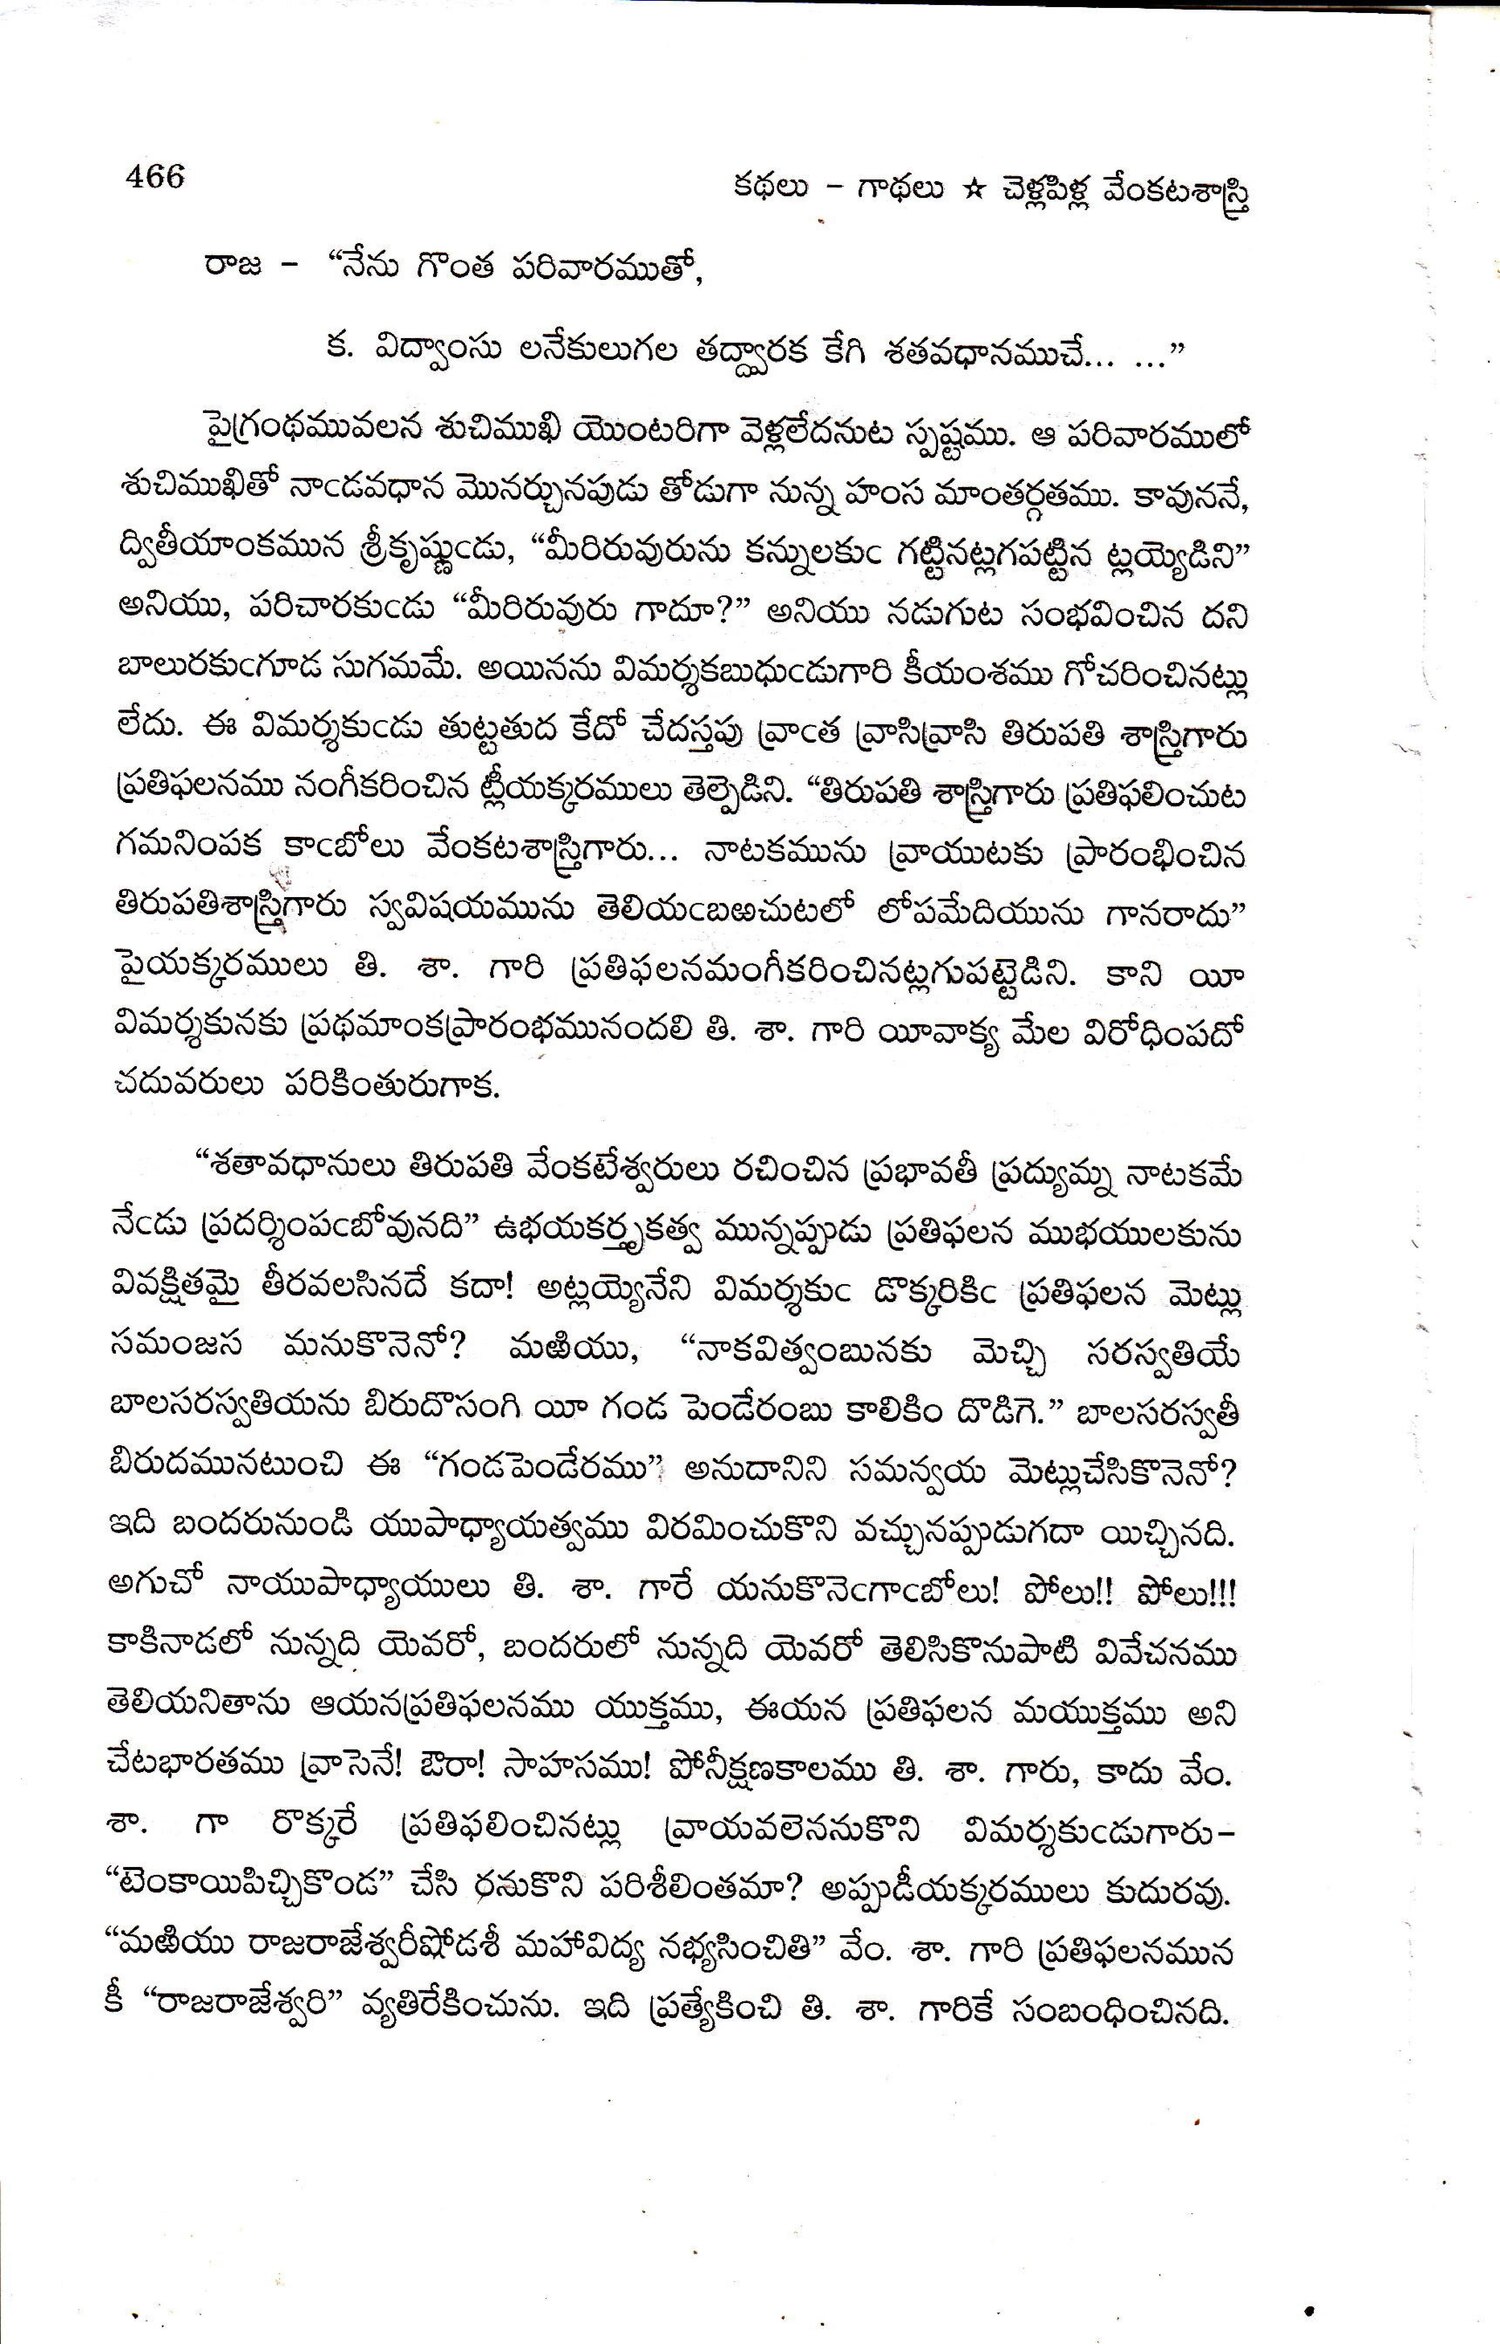రాజ - “నేను గొంత పరివారముతో,

క. విద్వాంసు లనేకులుగల తద్ద్వారక కేగి శతవధానముచే... ... "
పైగ్రంథమువలన శుచిముఖి యొంటరిగా వెళ్లలేదనుట స్పష్టము. ఆ పరివారములో శుచిముఖితో నాఁడవధాన మొనర్చునపుడు తోడుగా నున్న హంస మాంతర్గతము. కావుననే, ద్వితీయాంకమున శ్రీకృష్ణుఁడు, “మీరిరువురును కన్నులకుఁ గట్టినట్లగపట్టిన ట్లయ్యెడిని" అనియు, పరిచారకుఁడు “మీరిరువురు గాదూ?" అనియు నడుగుట సంభవించిన దని బాలురకుఁగూడ సుగమమే. అయినను విమర్శకబుధుఁడుగారి కీయంశము గోచరించినట్లు లేదు. ఈ విమర్శకుఁడు తుట్టతుద కేదో చేదస్తపు వ్రాఁత వ్రాసివ్రాసి తిరుపతి శాస్త్రిగారు ప్రతిఫలనము నంగీకరించిన ట్లీయక్కరములు తెల్పెడిని. "తిరుపతి శాస్త్రిగారు ప్రతిఫలించుట గమనింపక కాఁబోలు వేంకటశాస్త్రిగారు. నాటకమును వ్రాయుటకు ప్రారంభించిన తిరుపతిశాస్త్రిగారు స్వవిషయమును తెలియఁబఱచుటలో లోపమేదియును గానరాదు" పైయక్కరములు తి. శా. గారి ప్రతిఫలనమంగీకరించినట్లగుపట్టెడిని. కాని యీ విమర్శకునకు ప్రథమాంకప్రారంభమునందలి తి. శా. గారి యీవాక్యమేల విరోధింపదో చదువరులు పరికింతురుగాక.

“శతావధానులు తిరుపతి వేంకటేశ్వరులు రచించిన ప్రభావతీ ప్రద్యుమ్న నాటకమే నేఁడు ప్రదర్శింపఁబోవునది” ఉభయకర్తృకత్వ మున్నప్పుడు ప్రతిఫలన ముభయులకును వివక్షితమై తీరవలసినదే కదా! అట్లయ్యెనేని విమర్శకుఁ డొక్కరికిఁ ప్రతిఫలన మెట్లు సమంజస మనుకొనెనో? మఱియు, “నాకవిత్వంబునకు మెచ్చి సరస్వతియే బాలసరస్వతియను బిరుదొసంగి యీ గండ పెండేరంబు కాలికిం దొడిగె.” బాలసరస్వతీ బిరుదమునటుంచి ఈ "గండపెండేరము' అనుదానిని సమన్వయ మెట్లుచేసికొనెనో? ఇది బందరునుండి యుపాధ్యాయత్వము విరమించుకొని వచ్చునప్పుడుగదా యిచ్చినది. అగుచో నాయుపాధ్యాయులు తి. శా. గారే యనుకొనెఁగాఁబోలు! పోలు!! పోలు!!! కాకినాడలో నున్నది యెవరో, బందరులో నున్నది యెవరో తెలిసికొనుపాటి వివేచనము తెలియనితాను ఆయన ప్రతిఫలనము యుక్తము, ఈయన ప్రతిఫలన మయుక్తము అని చేటభారతము వ్రాసెనే! ఔరా! సాహసము! పోనీక్షణకాలము తి. శా. గారు, కాదు వేం. శా. గా రొక్కరే ప్రతిఫలించినట్లు వ్రాయవలెననుకొని విమర్శకుఁడుగారు“టెంకాయిపిచ్చికొండ" చేసి రనుకొని పరిశీలింతమా? అప్పడీయక్కరములు కుదురవు. “మఱియు రాజరాజేశ్వరీషోడశీ మహావిద్య నభ్యసించితి" వేం. శా. గారి ప్రతిఫలనమున కీ “రాజరాజేశ్వరి" వ్యతిరేకించును. ఇది ప్రత్యేకించి తి. శా. గారికే సంబంధించినది.